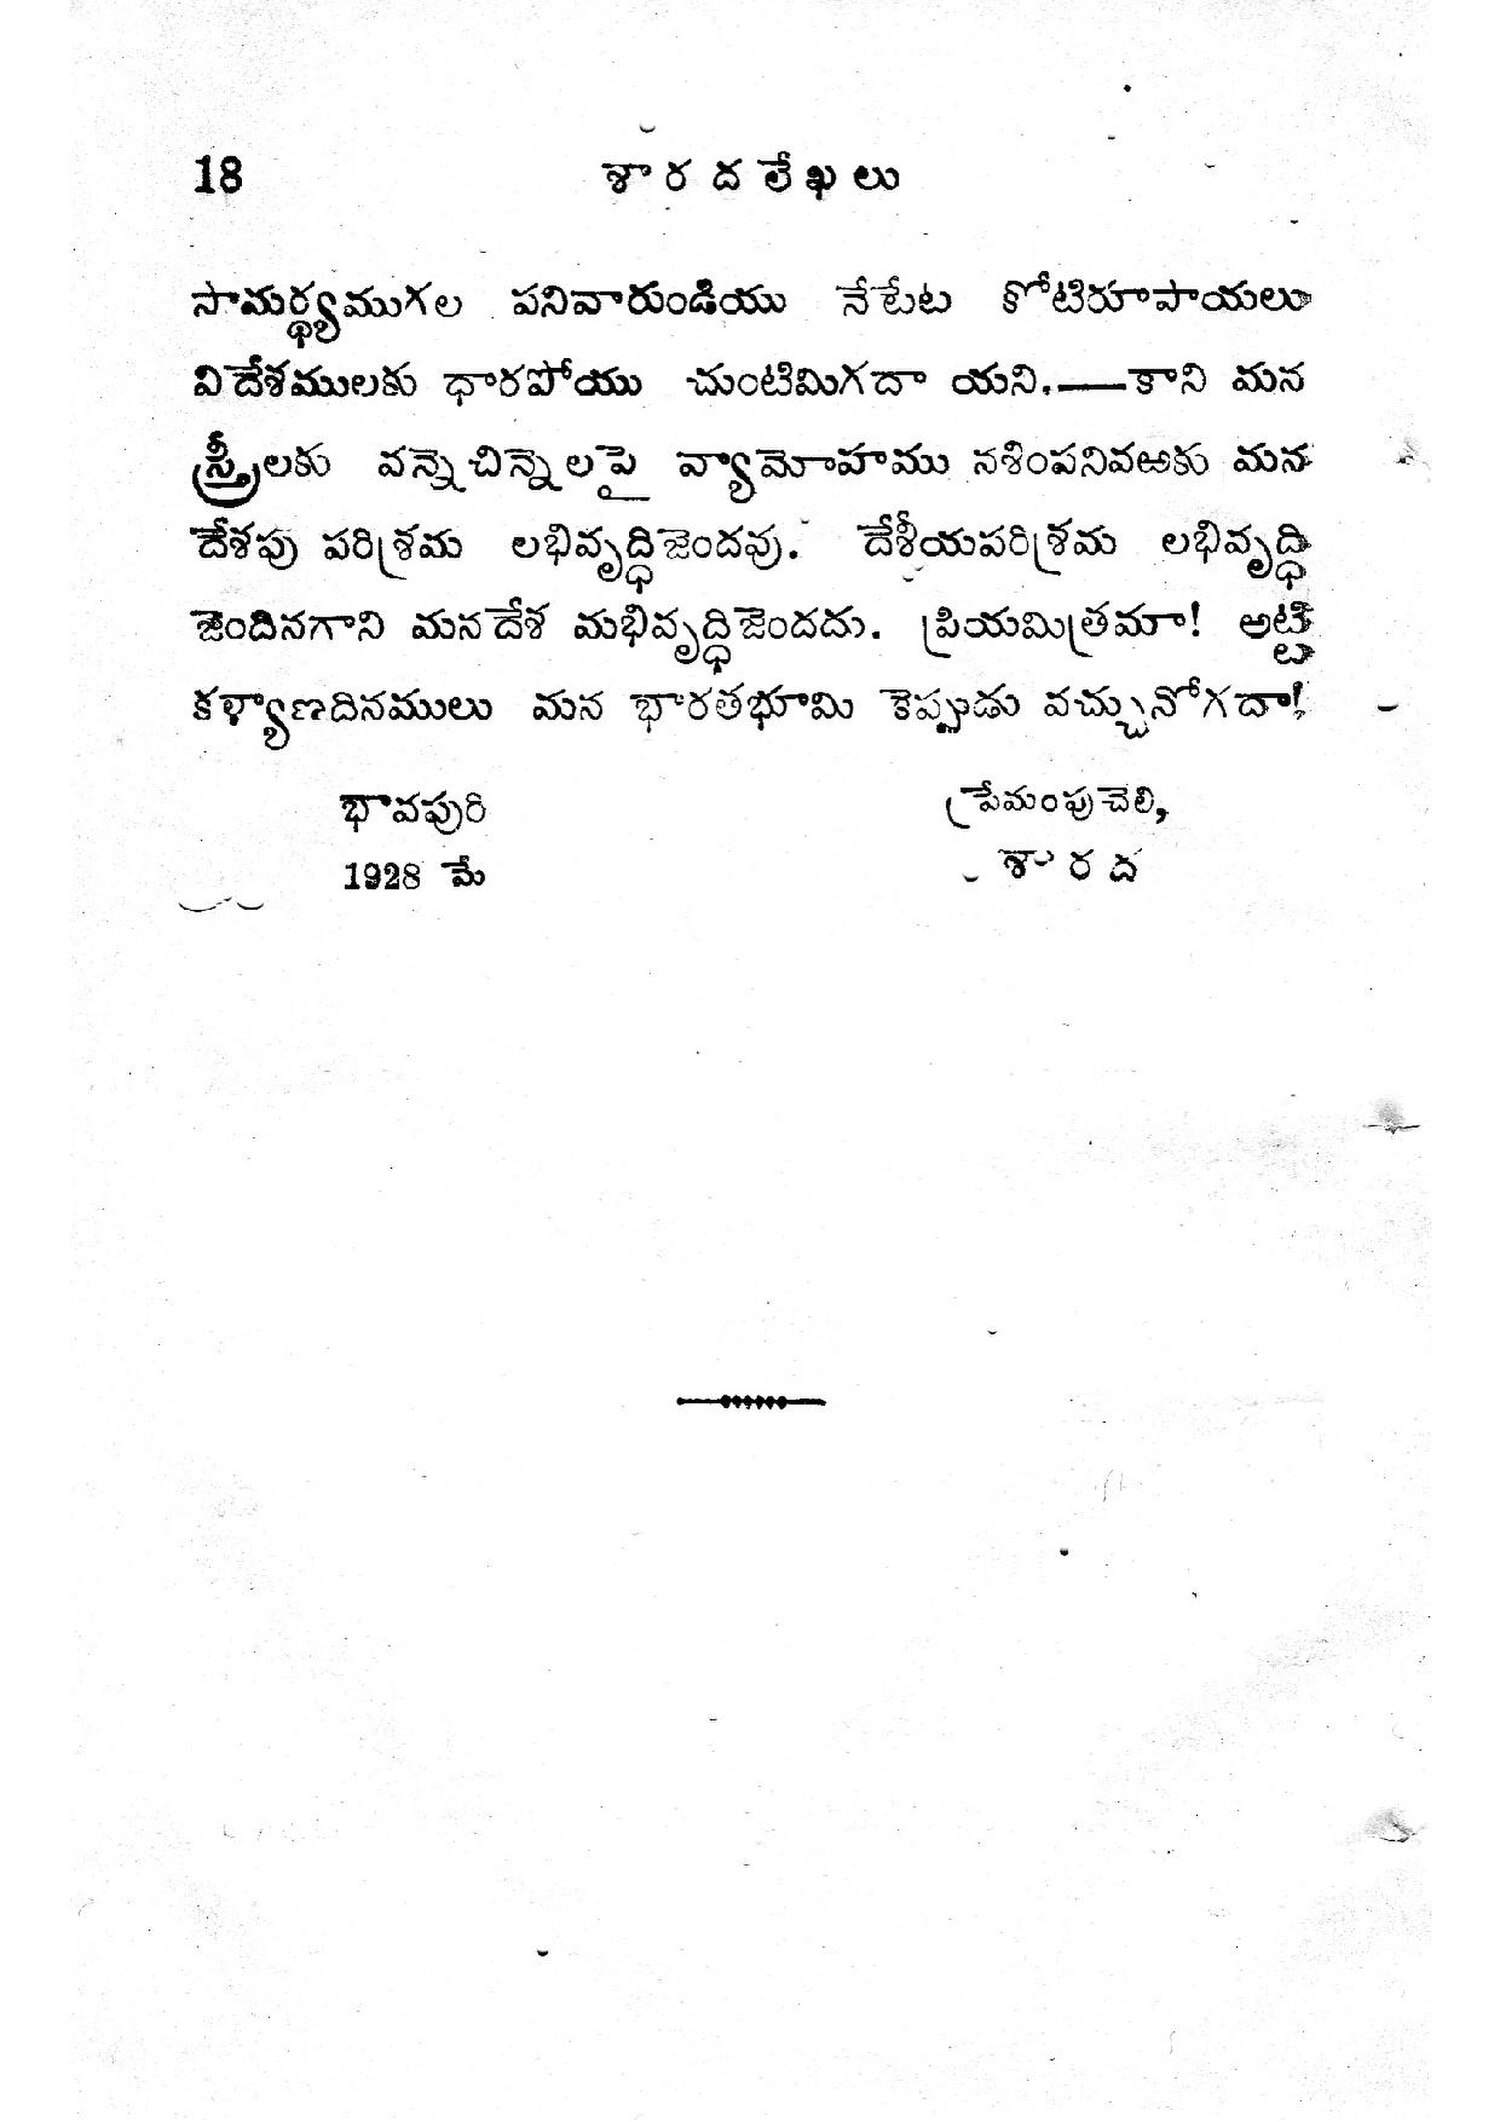సామర్థ్యముగల పనివారుండియు నేటేట కోటిరూపాయలు విదేశములకు ధారపోయు చుంటిమిగదా యని. - కాని మనస్త్రీలకు వన్నెచిన్నెలపై వ్యామోహము నశింపనివఱకు మనదేశపు పరిశ్రమ లభివృద్ధిజెందవు. దేశీయపరిశ్రమ లభివృద్ధిజెందినగాని మనదేశ మభివృద్ధిజెందదు. ప్రియమిత్రమా! అట్టి కళ్యాణదినములు మన భారతభూమి కెప్పుడు వచ్చునోగదా!